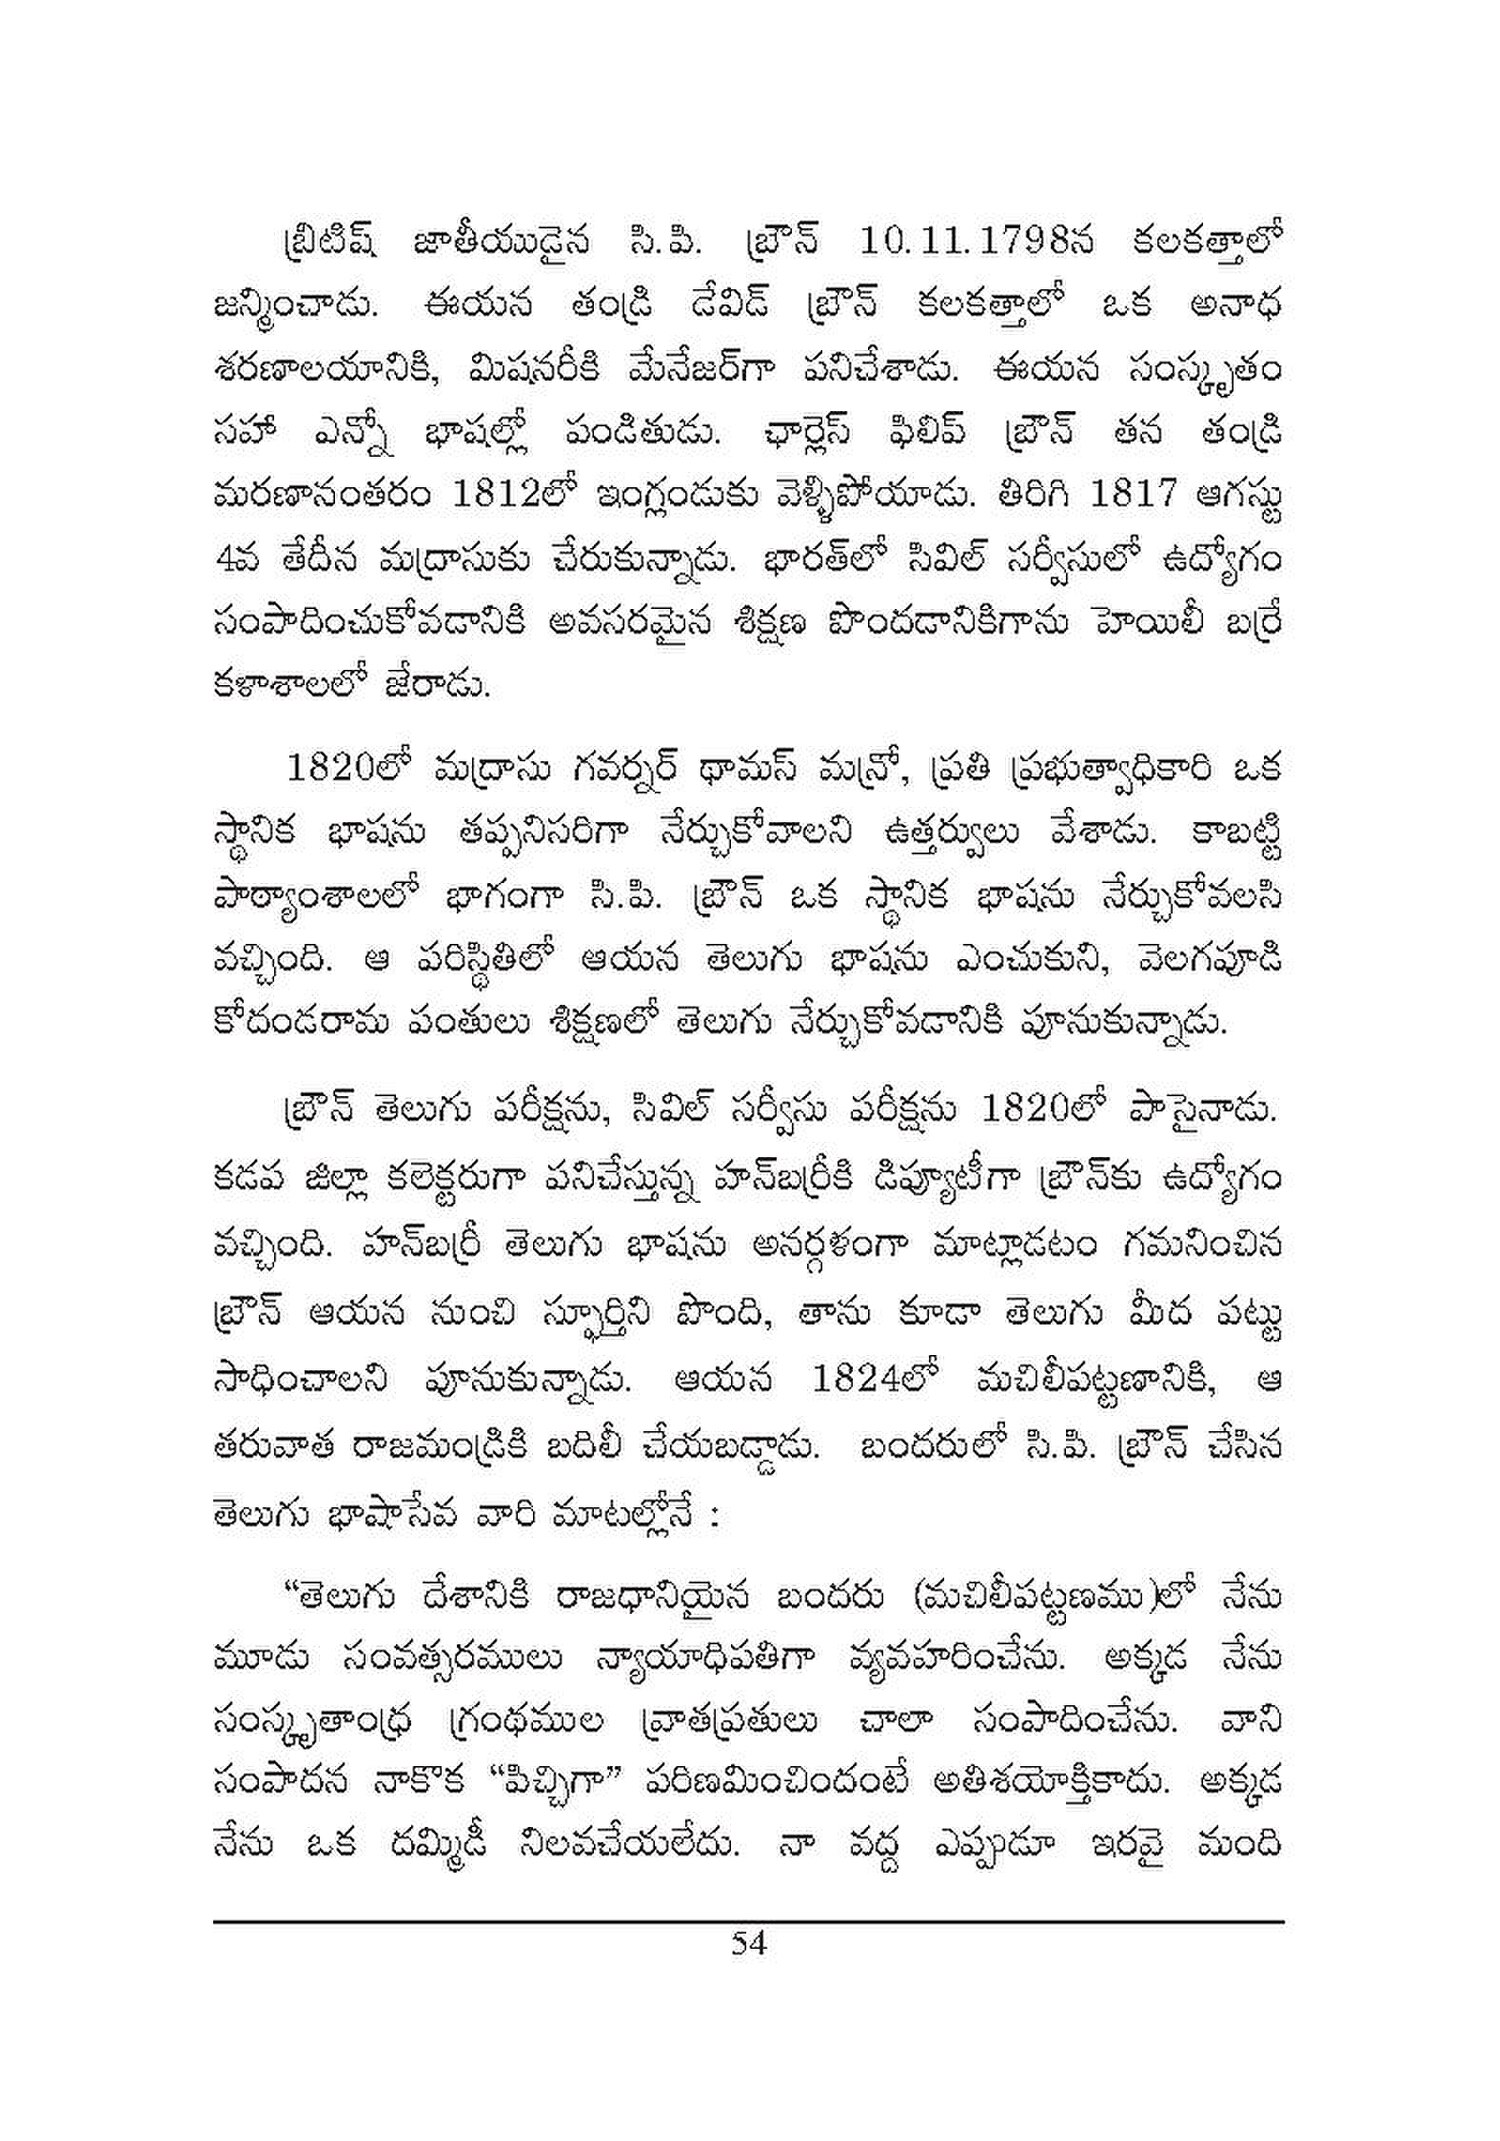బ్రిటిష్ జాతీయుడైన సి.పి. బ్రౌన్ 10.11.1798న కలకత్తాలో జన్మించాడు. ఈయన తండ్రి డేవిడ్ బ్రౌన్ కలకత్తాలో ఒక అనాధ శరణాలయానికి, మిషనరీకి మేనేజర్ గా పనిచేశాడు. ఈయన సంస్కృతం సహా ఎన్నో భాషల్లో పండితుడు. ఛార్లెస్ ఫిలిప్ బ్రౌన్ తన తండ్రి మరణానంతరం 1812లో ఇంగ్లండుకు వెళ్ళిపోయాడు. తిరిగి 1817 ఆగస్టు 4వ తేదీన మద్రాసుకు చేరుకున్నాడు. భారత్ లో సివిల్ సర్వీసులో ఉద్యోగం సంపాదించుకోవడానికి అవసరమైన శిక్షణ పొందడానికిగాను హెయిలీ బర్రే కళాశాలలో జేరాడు.

1820లో మద్రాసు గవర్నర్ థామస్ మన్రో, ప్రతి ప్రభుత్వాధికారి ఒక స్థానిక భాషను తప్పనిసరిగా నేర్చుకోవాలని ఉత్తర్వులు వేశాడు. కాబట్టి పాఠ్యాంశాలలో భాగంగా సి.పి. బ్రౌన్ ఒక స్థానిక భాషను నేర్చుకోవలసి వచ్చింది. ఆ పరిస్థితిలో ఆయన తెలుగు భాషను ఎంచుకుని, వెలగపూడి కోదండరామ పంతులు శిక్షణలో తెలుగు నేర్చుకోవడానికి పూనుకున్నాడు.

బ్రౌన్ తెలుగు పరీక్షను, సివిల్ సర్వీసు పరీక్షను 1820లో పాసైనాడు. కడప జిల్లా కలెక్టరుగా పనిచేస్తున్న హన్బర్రీకి డిప్యూటీగా బ్రౌన్కు ఉద్యోగం వచ్చింది. హన్బర్రీ తెలుగు భాషను అనర్గళంగా మాట్లాడటం గమనించిన బ్రౌన్ ఆయన నుంచి స్ఫూర్తిని పొంది, తాను కూడా తెలుగు మీద పట్టు సాధించాలని పూనుకున్నాడు. ఆయన 1824లో మచిలీపట్టణానికి, ఆ తరువాత రాజమండ్రికి బదిలీ చేయబడ్డాడు. బందరులో సి.పి. బ్రౌన్ చేసిన తెలుగు భాషా సేవ వారి మాటల్లోనే:

“తెలుగు దేశానికి రాజధానియైన బందరు (మచిలీపట్టణము)లో నేను మూడు సంవత్సరములు న్యాయాధిపతిగా వ్యవహరించేను. అక్కడ నేను సంస్కృతాంధ్ర గ్రంథముల వ్రాతప్రతులు చాలా సంపాదించేను. వాని సంపాదన నాకొక "పిచ్చిగా" పరిణమించిందంటే అతిశయోక్తికాదు. అక్కడ నేను ఒక దమ్మిడీ నిలవచేయలేదు. నా వద్ద ఎప్పడూ ఇరవై మంది